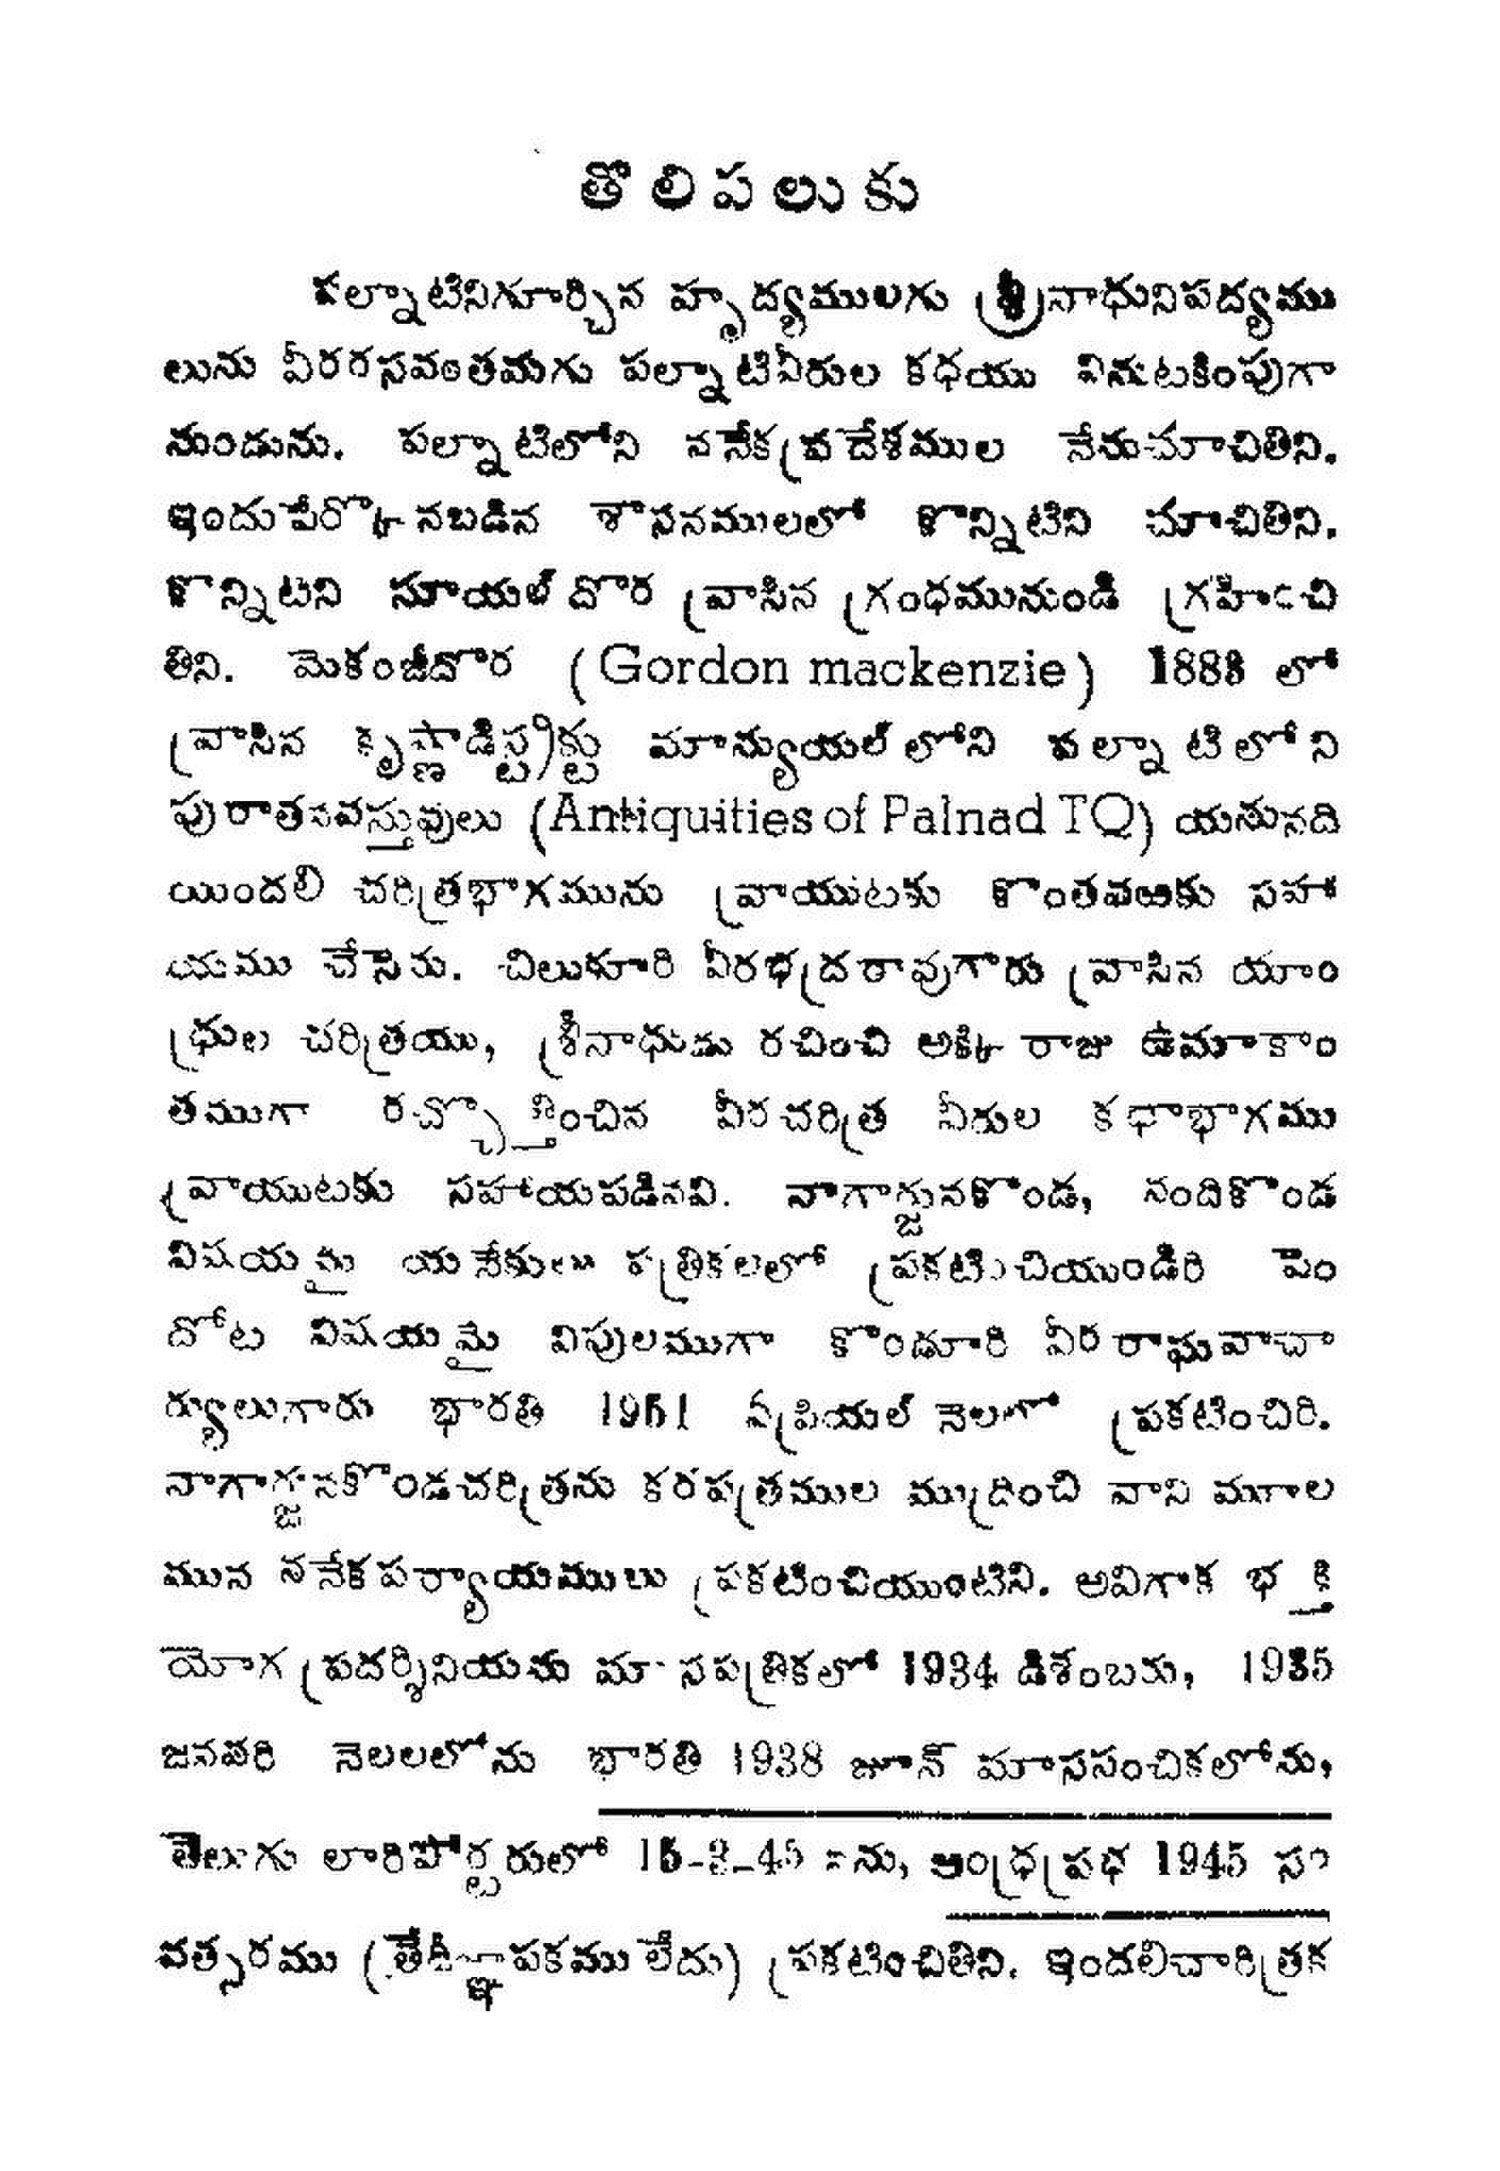పల్నాటినిగూర్చిన హృద్యములగు శ్రీనాధునిపద్యములును 
వీరరసవంతమగు పల్నాటివీరుల కధయు వినుటకింపుగా
నుండును. పల్నాటిలోని వనేకప్రదేశముల నేనుచూచితిని.
ఇందు పేర్కొనబడిన శాసనములలో కొన్నిటిని చూచితిని.
కొన్నిటిని సూయల్ దొర వ్రాసిన గ్రంధమునుండి గ్రహించి
తిని. మెకంజీదొర (Gordon mackenzie) 1888 లో
వ్రాసిన కృష్ణాడిస్టక్టు మాన్యుయల్ లోని పల్నాటిలోని
పురాతనవస్తువులు (Antiquities of Palnad TQ) యనునది
యిందలి చరిత్రభాగమును వ్రాయుటకు కొంతవఱకు సహా
యము చేసెను. చిలుకూరి వీరభద్రరావుగారు వ్రాసిన 
యాంధ్రుల చరిత్రము, శ్రీనాధుడు రచించి అక్కిరాజు 
ఉమాకాంతముగా రచ్చొత్తించిన వీరచరిత్ర వీరుల కథాభాగము
వ్రాయుటకు సహాయపడినవి. నాగార్జునకొండ, నందికొండ
విషయమై యనేకులు పత్రికలలో ప్రకటించియుండిరి.
పెందోట విషయమై విపులముగా కొందూరి వీరరాఘవాచార్యులుగారు 
భారతి 1951 ఏప్రియల్ నెలలోప్రకటించిరి.
నాగార్జునకొండచరిత్రను కరపత్రముల ముద్రించి వాని మూలమున 
ననేక పర్యాయములు ప్రకటించియుంటిని, అవిగాక భక్తి
యోగ ప్రదర్శినియను మాసపత్రికలో 1934 డిశంబరు, 1935
జనవరి నెలలలోను భారతి 1938 జూన్ మాససంచికలోను,
తెలుగు లారిపోర్టరులో 15-3-45 నను, ఆంధ్రప్రభ 1945 సం
వత్సరము (తేదీ జ్ఞాపకము లేదు) ప్రకటించితిని. ఇందలిచారిత్రక